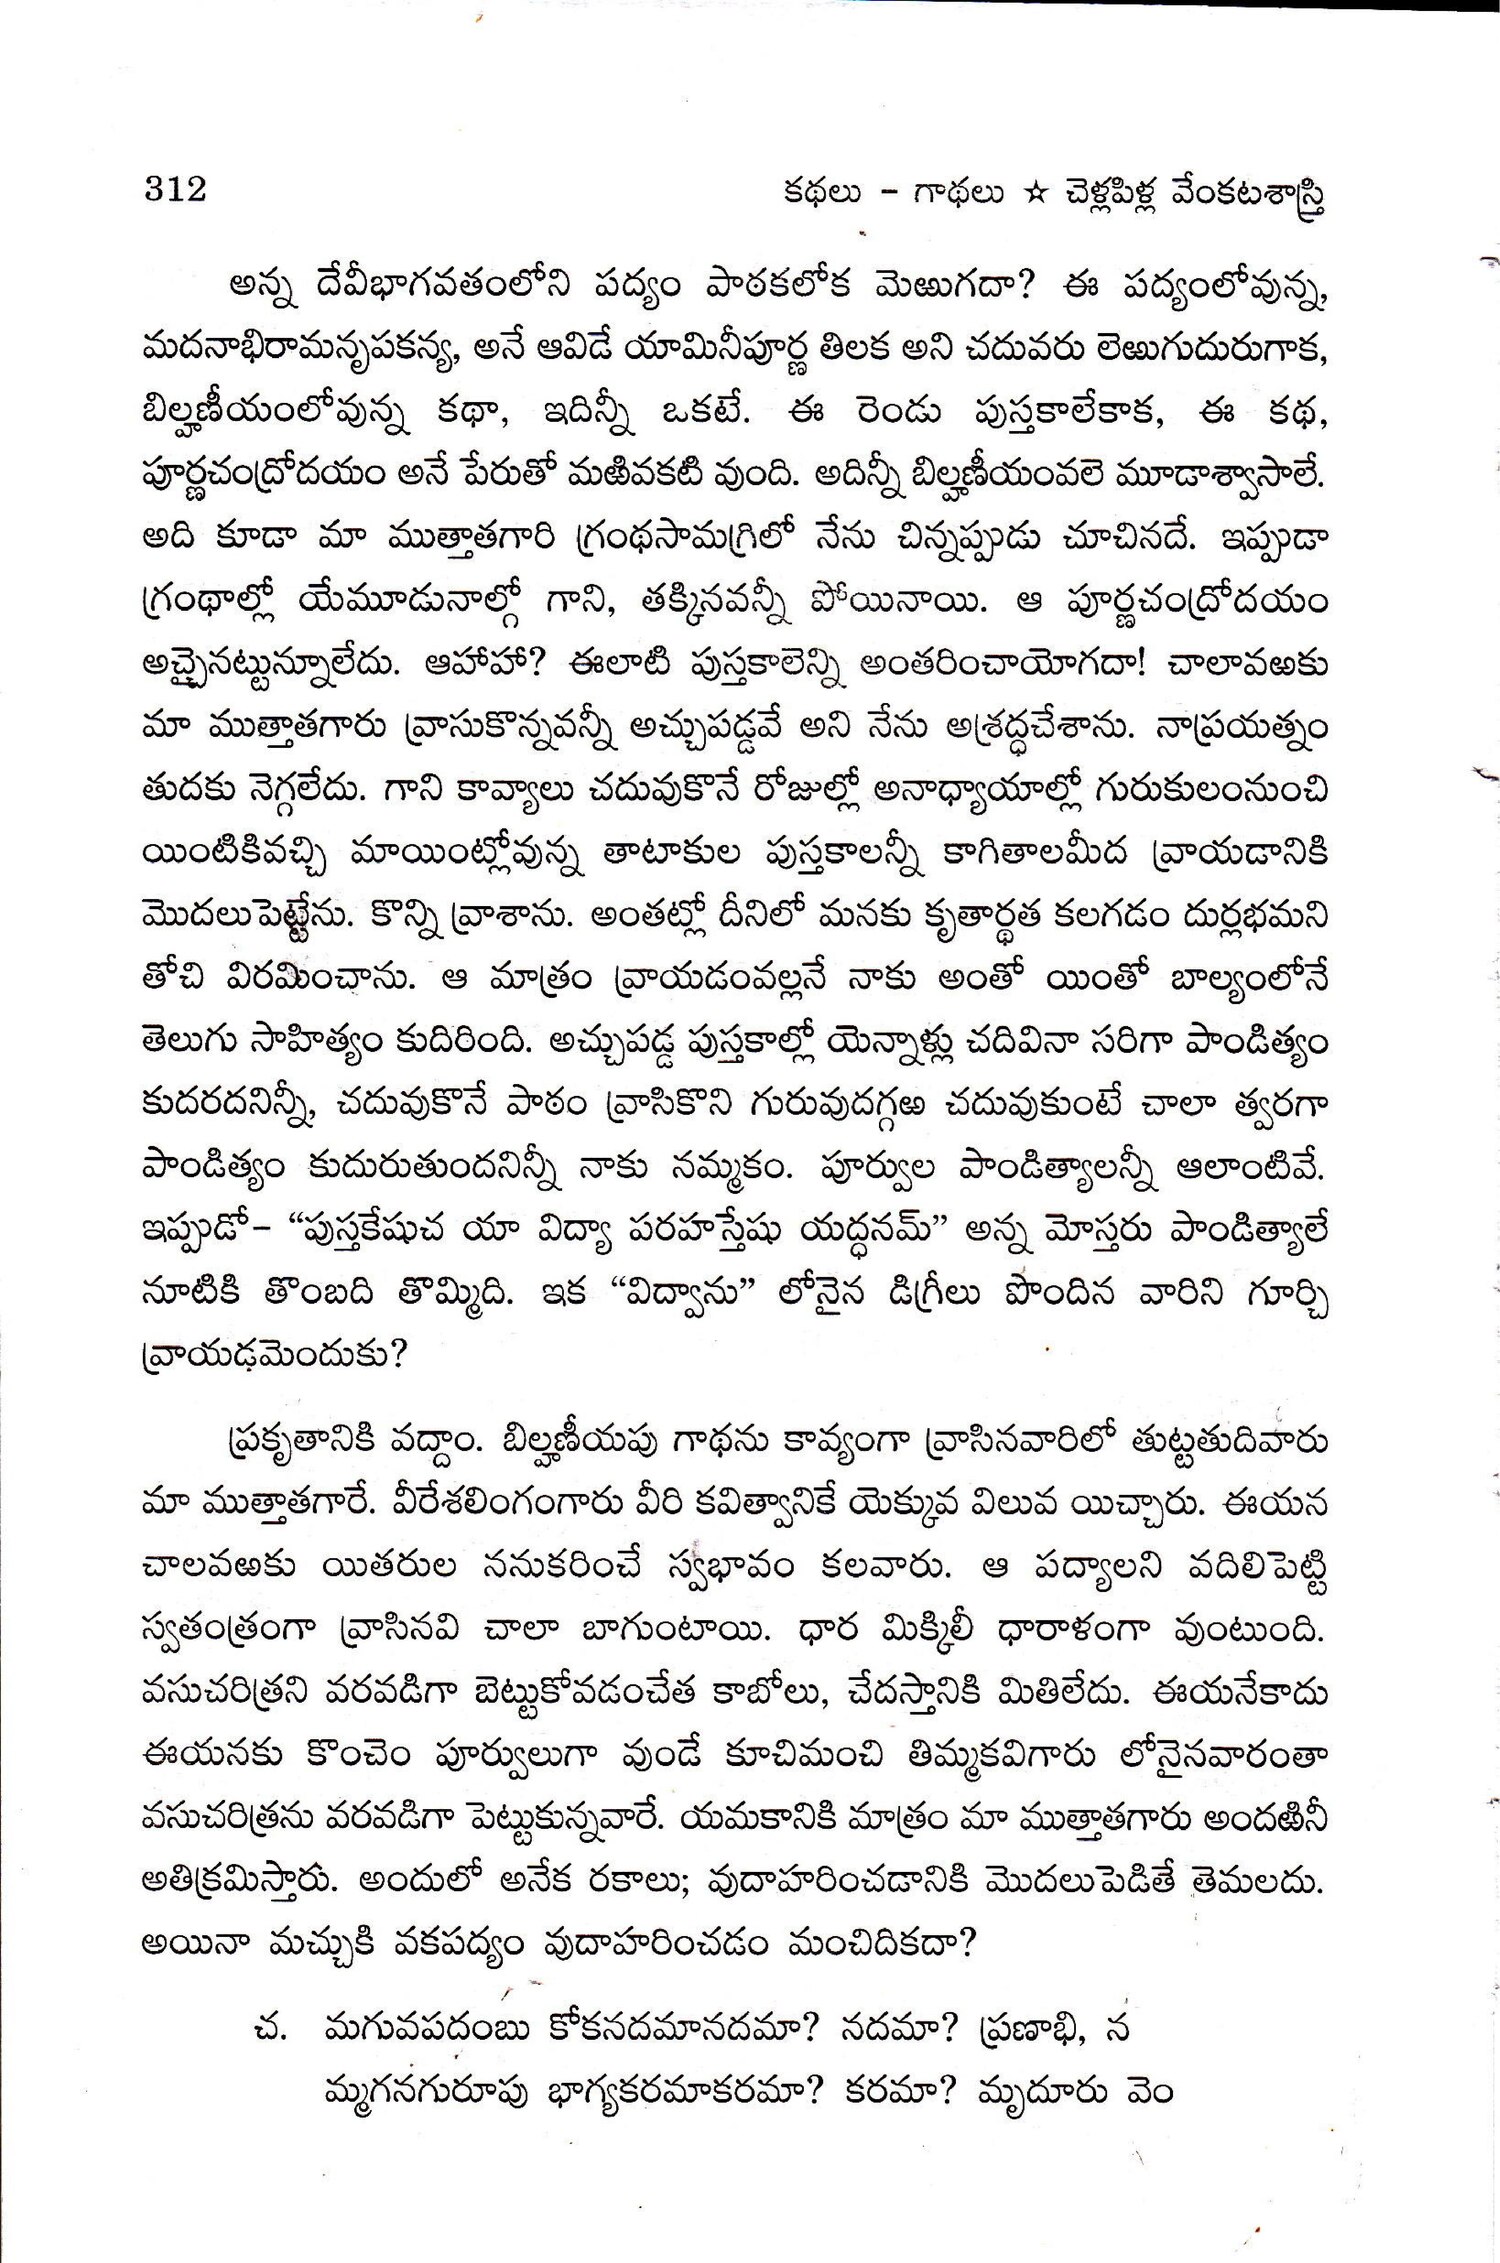అన్న దేవీభాగవతంలోని పద్యం పాఠకలోక మెఱుగదా? ఈ పద్యంలోవున్న మదనాభిరామనృపకన్య, అనే ఆవిడే యామినీపూర్ణ తిలక అని చదువరు లెఱుగుదురుగాక. బిల్హణీయంలోవున్న కథా, ఇదిన్నీ ఒకటే. ఈ రెండు పుస్తకాలేకాక, ఈ కథ, పూర్ణచంద్రోదయం అనే పేరుతో మఱివకటి వుంది. అదిన్నీ బిల్హణీయంవలె మూడాశ్వాసాలే. అది కూడా మా ముత్తాతగారి గ్రంథసామగ్రిలో నేను చిన్నప్పుడు చూచినదే. ఇప్పుడా గ్రంథాల్లో యేమూడునాల్గో గాని, తక్కినవన్నీ పోయినాయి. ఆ పూర్ణచంద్రోదయం అచ్చైనట్టున్నూలేదు. ఆహాహా? ఈలాటి పుస్తకాలెన్ని అంతరించాయోగదా! చాలావఱకు మా ముత్తాతగారు వ్రాసుకొన్నవన్నీ అచ్చుపడ్డవే అని నేను అశ్రద్ధచేశాను. నాప్రయత్నం తుదకు నెగ్గలేదు. గాని కావ్యాలు చదువుకొనే రోజుల్లో అనాధ్యాయాల్లో గురుకులంనుంచి యింటికివచ్చి మాయింట్లోవున్న తాటాకుల పుస్తకాలన్నీ కాగితాలమీద వ్రాయడానికి మొదలుపెట్టేను. కొన్ని వ్రాశాను. అంతట్లో దీనిలో మనకు కృతార్థత కలగడం దుర్లభమని తోచి విరమించాను. ఆ మాత్రం వ్రాయడంవల్లనే నాకు అంతో యింతో బాల్యంలోనే తెలుగు సాహిత్యం కుదిరింది. అచ్చుపడ్డ పుస్తకాల్లో యెన్నాళ్లు చదివినా సరిగా పాండిత్యం కుదరదనిన్నీ చదువుకొనే పాఠం వ్రాసికొని గురువుదగ్గఱ చదువుకుంటే చాలా త్వరగా పాండిత్యం కుదురుతుందనిన్నీ నాకు నమ్మకం. పూర్వుల పాండిత్యాలన్నీ ఆలాంటివే. ఇప్పుడో- “పుస్తకేషుచ యా విద్యా పరహస్తేషు యద్ధనమ్” అన్న మోస్తరు పాండిత్యాలే నూటికి తొంబది తొమ్మిది. ఇక "విద్వాను" లోనైన డిగ్రీలు పొందిన వారిని గూర్చి వ్రాయడమెందుకు?

ప్రకృతానికి వద్దాం. బిల్హణీయపు గాథను కావ్యంగా వ్రాసినవారిలో తుట్టతుదివారు మా ముత్తాతగారే. వీరేశలింగంగారు వీరి కవిత్వానికే యెక్కువ విలువ యిచ్చారు. ఈయన చాలవఱకు యితరుల ననుకరించే స్వభావం కలవారు. ఆ పద్యాలని వదిలిపెట్టి స్వతంత్రంగా వ్రాసినవి చాలా బాగుంటాయి. ధార మిక్కిలీ ధారాళంగా వుంటుంది. వసుచరిత్రని వరవడిగా బెట్టుకోవడంచేత కాబోలు, చేదస్తానికి మితిలేదు. ఈయనేకాదు ఈయనకు కొంచెం పూర్వులుగా వుండే కూచిమంచి తిమ్మకవిగారు లోనైనవారంతా వసుచరిత్రను వరవడిగా పెట్టుకున్నవారే. యమకానికి మాత్రం మా ముత్తాతగారు అందఱినీ అతిక్రమిస్తారు. అందులో అనేక రకాలు; వుదాహరించడానికి మొదలుపెడితే తెమలదు. అయినా మచ్చుకి వకపద్యం వుదాహరించడం మంచిదికదా?

చ. మగువపదంబు కోకనదమానదమా? నదమా? ప్రణాభి, న
 మ్మగనగురూపు భాగ్యకరమాకరమా? కరమా? మృదూరు వెం